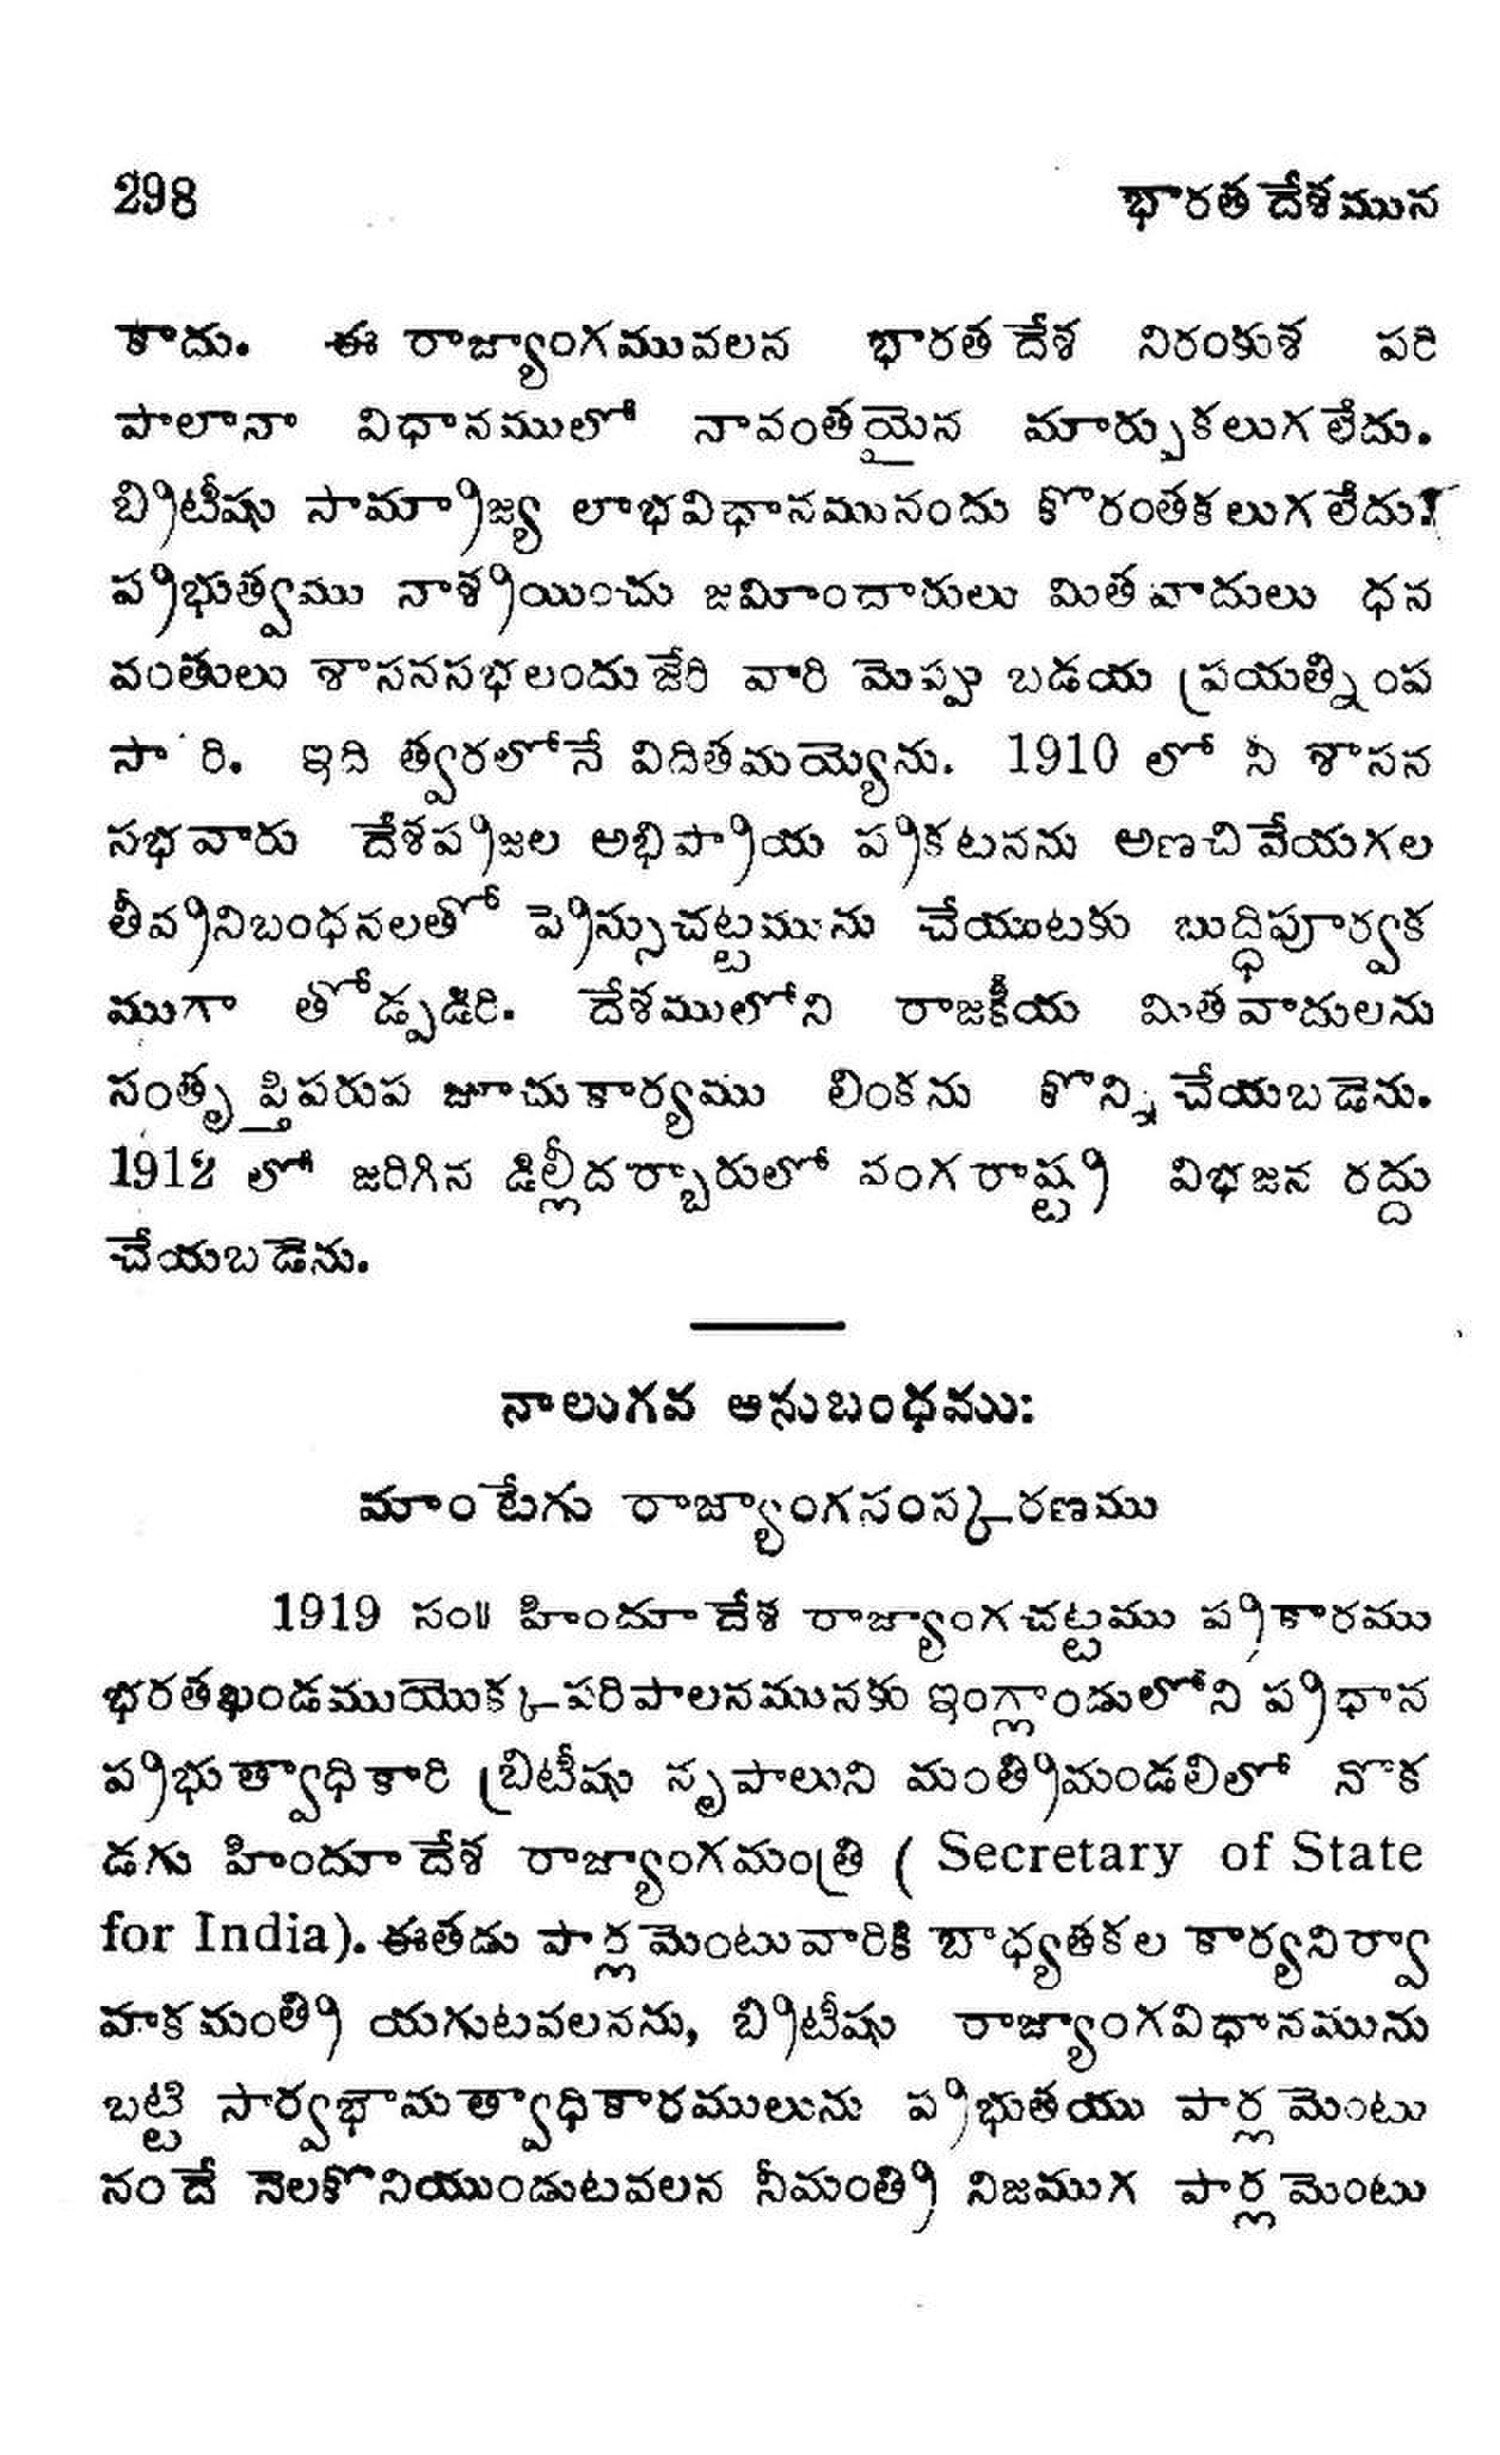కాదు. ఈ రాజ్యాంగమువలన భారతదేశ నిరంకుశ పరిపాలానా విధానములో నావంతయైన మార్చుకలుగలేదు. బ్రిటీషు సామ్రాజ్య లాభవిధానమునందు కొరంతకలుగలేదు. ప్రభుత్వము నాశ్రయించు జమీందారులు మితవాదులు ధనవంతులు శాసనసభలందుజేరి వారి మెప్పు బడయ ప్రయత్నింపసాగిరి. ఇది త్వరలోనే విదితమయ్యెను. 1910 లో నీ శాసనసభవారు దేశప్రజల అభిప్రాయ ప్రకటనను అణచివేయగల తీవ్రనిబంధనలతో ప్రెస్సుచట్టమును చేయుటకు బుద్ధిపూర్వకముగా తోడ్పడిరి. దేశములోని రాజకీయ మితవాదులను సంతృప్తిపరుప జూచుకార్యము లింకను కొన్ని చేయబడెను. 1912 లో జరిగిన ఢిల్లీదర్బారులో వంగరాష్ట్ర విభజన రద్దు చేయబడెను.

నాలుగవ అనుబంధము: 
మాంటేగు రాజ్యాంగసంస్కరణము

1919 సం|| హిందూదేశ రాజ్యాంగచట్టము ప్రకారము భరతఖండముయొక్క పరిపాలనమునకు ఇంగ్లాండులోని ప్రధాన ప్రభుత్వాధికారి బ్రిటీషు నృపాలుని మంత్రిమండలిలో నొకడగు హిందూదేశ రాజ్యాంగమంత్రి ( Secretary of State for India). ఈతడు పార్లమెంటువారికి బాధ్యతకల కార్యనిర్వాహకమంత్రి యగుటవలనను, బ్రిటీషు రాజ్యాంగవిధానమును బట్టి సార్వభౌమత్వాధికారములును ప్రభుతయు పార్లమెంటునందే నెలకొనియుండుటవలన నీమంత్రి నిజముగ పార్లమెంటు